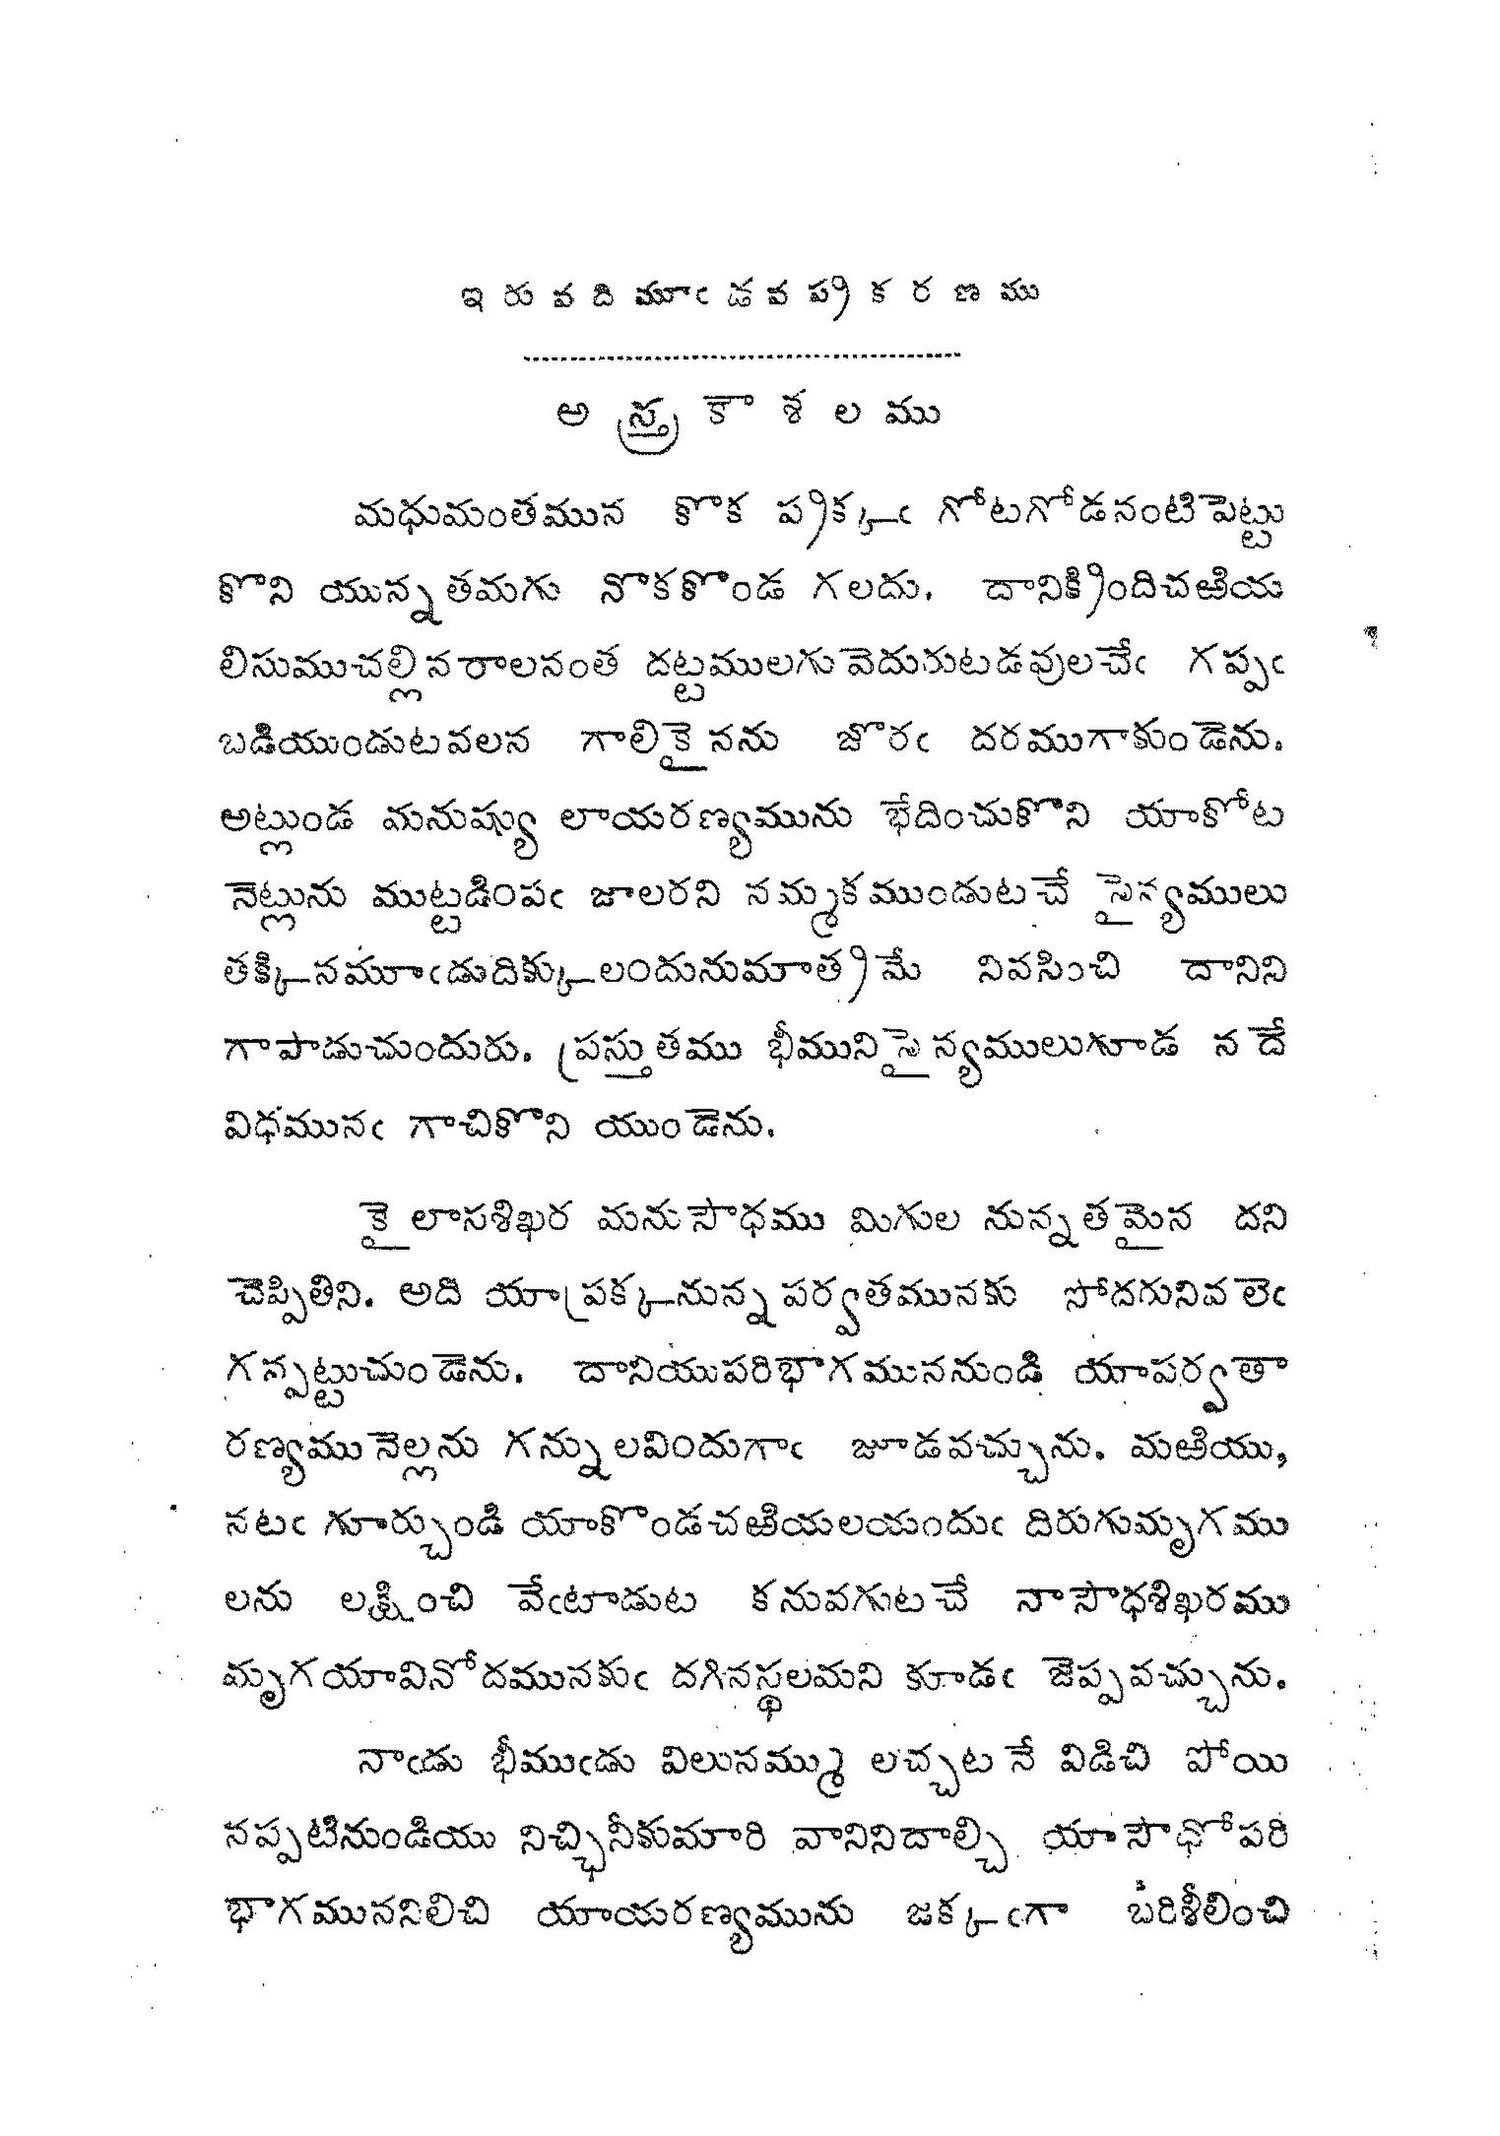మధుమంతమున కొక పక్క గోటగోడనంటి పెట్టు కొని యున్న తమగు నొక కొండ గలదు. దానికింది చఱియ లిసుముచల్లి నరాలనంత దట్టములగు వెదురు టడవులచేఁ గప్పఁ బడియుండుటవలన గాలికైనను జొరఁ దరముగాకుం డెను. అట్లుండ మనుష్యు లాయరణ్యమును భేదించుకొని యాకోట నెట్లును ముట్టడింపఁ జాలరని నమ్మకముండుట చే సైన్యములు తక్కినమూఁడుదిక్కులందునుమాత్రమే నివసించి గాపాడుచుందురు. ప్రస్తుతము భీముని సై న్యములుగూడ న దే విధమునఁ గాచికొని యుండెను. కైలాసశిఖర మను సౌధము మిగుల నున్నతమైన దని చెప్పితిని. అది యాప్రక్కనున్న పర్వతమునకు సోదరునివ లెం గన్పట్టుచుండెను. దానియు పరిభాగముననుండి యాపర్వతా రణ్యము నెల్లను గన్ను లవిందుగాఁ జూడవచ్చును. మఱియు, నటఁ గూర్చుండి యాకొండచఱియలయందుఁ దిరుగుమృగము లను లక్షించి వేటాడుట కనువగుట చే నా సౌధశిఖరము మృగయావినోదమునకుఁ దగినస్థలమని కూడఁ జెప్పవచ్చును. నాడు భీముఁడు విలునమ్ము లచ్చట నే విడిచి పోయి నప్పటినుండియు నిచ్ఛినీకుమారి వానిని దాల్చి, యాసౌధోపరి భాగముననిలిచి యాయరణ్యమును జక్కఁగా బరిశీలించి